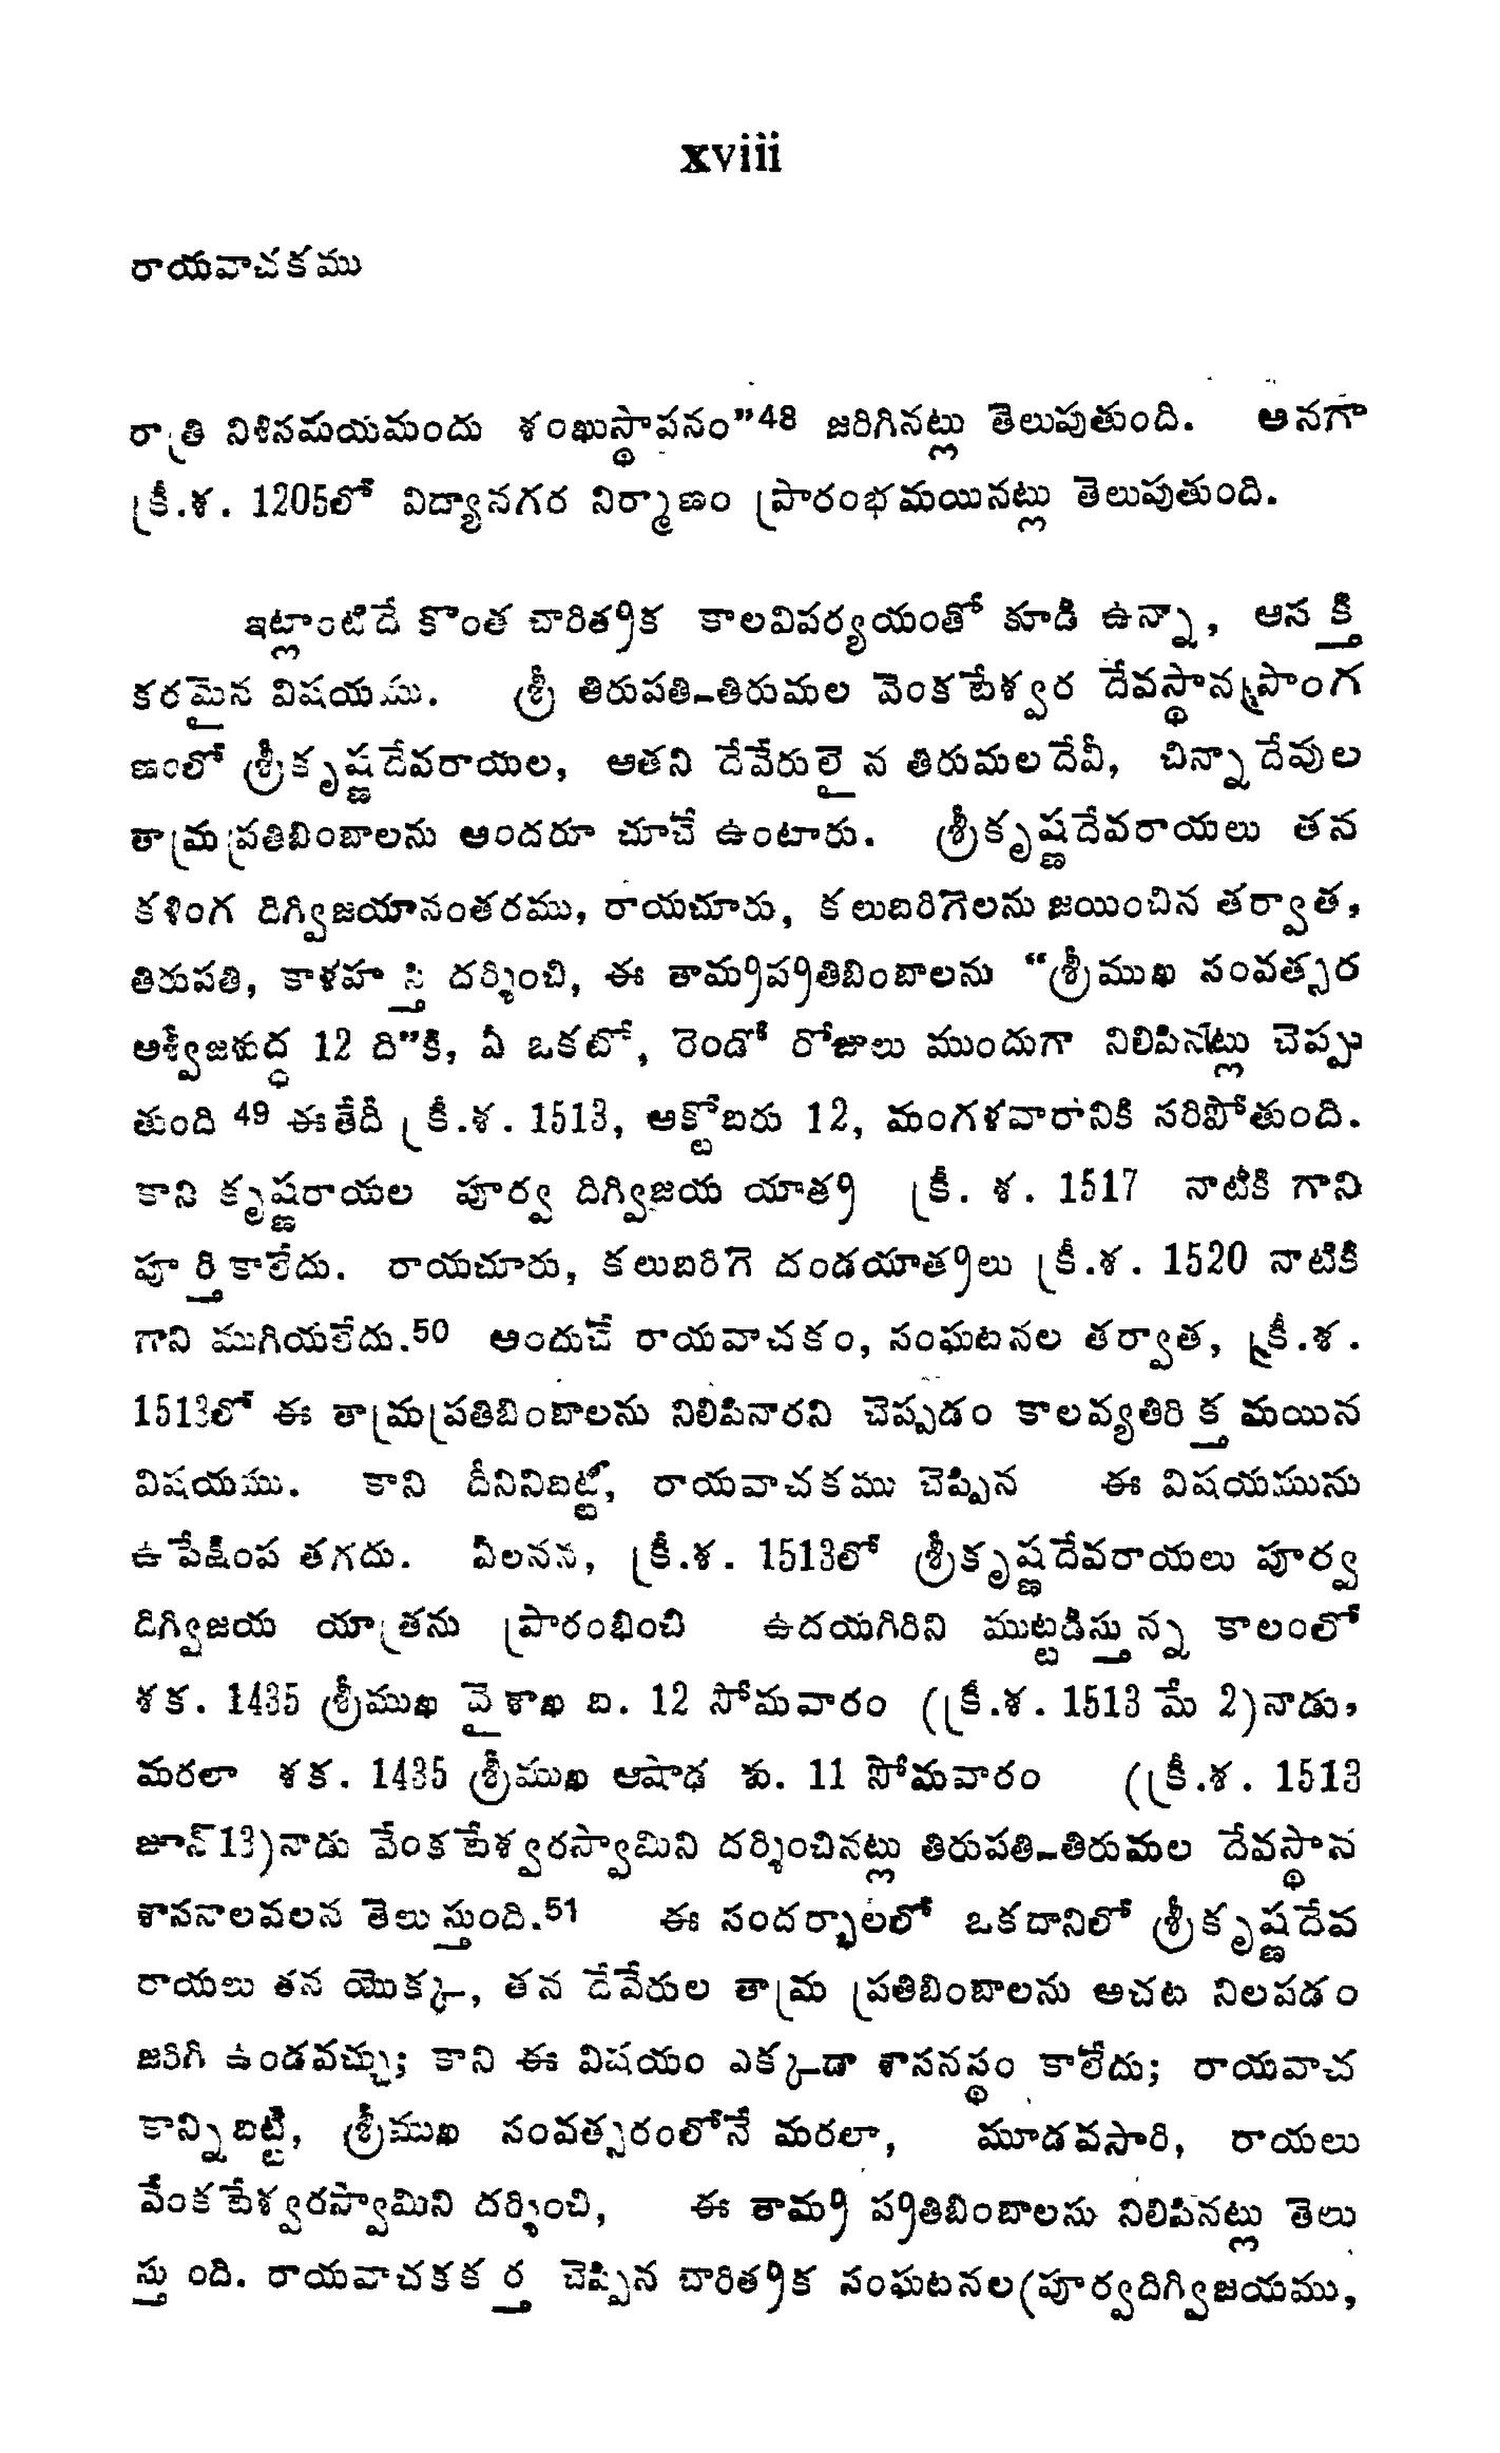రాత్రి నిశిసమయమందు శంఖుస్థాపనం” జరిగినట్లు తెలుపుతుంది.అనగా క్రీ.శ. 1205లో విద్యానగర నిర్మాణం ప్రారంభమయినట్లు తెలుపుతుంది.

ఇట్లాంటిదే కొంత చారిత్రక కాలవిపర్యయంతో కూడి ఉన్నా, ఆసక్తికరమైన విషయము. శ్రీ తిరుపతి-తిరుమల వెంకటేశ్వర దేవస్థానప్రాంగణంలో శ్రీకృష్ణదేవరాయల, అతని దేవేరులైన తిరుమలదేవీ, చిన్నాదేవుల తామ్రప్రతిబింబాలను అందరూ చూచే ఉంటారు. శ్రీకృష్ణదేవరాయలు తన కళింగ దిగ్విజయానంతరము, రాయచూరు, కలుబరిగెలను జయించిన తర్వాత, తిరుపతి, కాళహస్తి దర్శించి, ఈ తామ్రప్రతిబింబాలను "శ్రీముఖ సంవత్సర ఆశ్వీజశుద్ద 12 ది"కి, ఏ ఒకటో, రెండో రోజులు ముందుగా నిలిపినట్లు చెప్పుతుంది. ఈ తేదీ క్రీ.శ. 1513, అక్టోబరు 12, మంగళవారానికి సరిపోతుంది. కాని కృష్ణరాయల పూర్వ దిగ్విజయ యాత్ర క్రీ. శ. 1517 నాటికి గాని పూర్తి కాలేదు. రాయచూరు, కలుబరిగె దండయాత్రలు క్రీ.శ. 1520 నాటికి గాని ముగియలేదు. అందుచే రాయవాచకం, సంఘటనల తర్వాత, క్రీ.శ. 1513లో ఈ తామ్రప్రతిబింబాలను నిలిపినారని చెప్పడం కాలవ్యతిరిక్త మయిన విషయము. కాని దీనినిబట్టి, రాయవాచకము చెప్పిన ఈ విషయమును ఉపేక్షింప తగదు. ఏలనన, క్రీ.శ. 1513లో శ్రీకృష్ణదేవరాయలు పూర్వ దిగ్విజయయాత్రను ప్రారంభించి ఉదయగిరిని ముట్టడిస్తున్న కాలంలో శక. 1435 శ్రీముఖ వైశాఖ బ. 12 సోమవారం (క్రీ.శ. 1513 మే 2) నాడు, మరలా శక. 1435 శ్రీముఖ ఆషాఢ శు. 11 సోమవారం (క్రీ.శ. 1513 జూన్ 13)నాడు వేంకటేశ్వరస్వామిని దర్శించినట్లు తిరుపతి-తిరుమల దేవస్థాన శాసనాలవలన తెలుస్తుంది. ఈ సందర్భాలలో ఒకదానిలో శ్రీకృష్ణదేవరాయలు తనయొక్క, తనదేవేరుల తామ్రప్రతిబింబాలను అచట నిలపడం జరిగి ఉండవచ్చు; కాని ఈ విషయం ఎక్కడా శాసనస్థం కాలేదు; రాయవాచకాన్నిబట్టి, శ్రీముఖ సంవత్సరంలోనే మరలా, మూడవసారి, రాయలు వేంకటేశ్వరస్వామిని దర్శించి, ఈ తామ్ర ప్రతిబింబాలను నిలిపినట్లు తెలుస్తుంది. రాయవాచకకర్త చెప్పిన చారిత్రక సంఘటనల (పూర్వదిగ్విజయము,